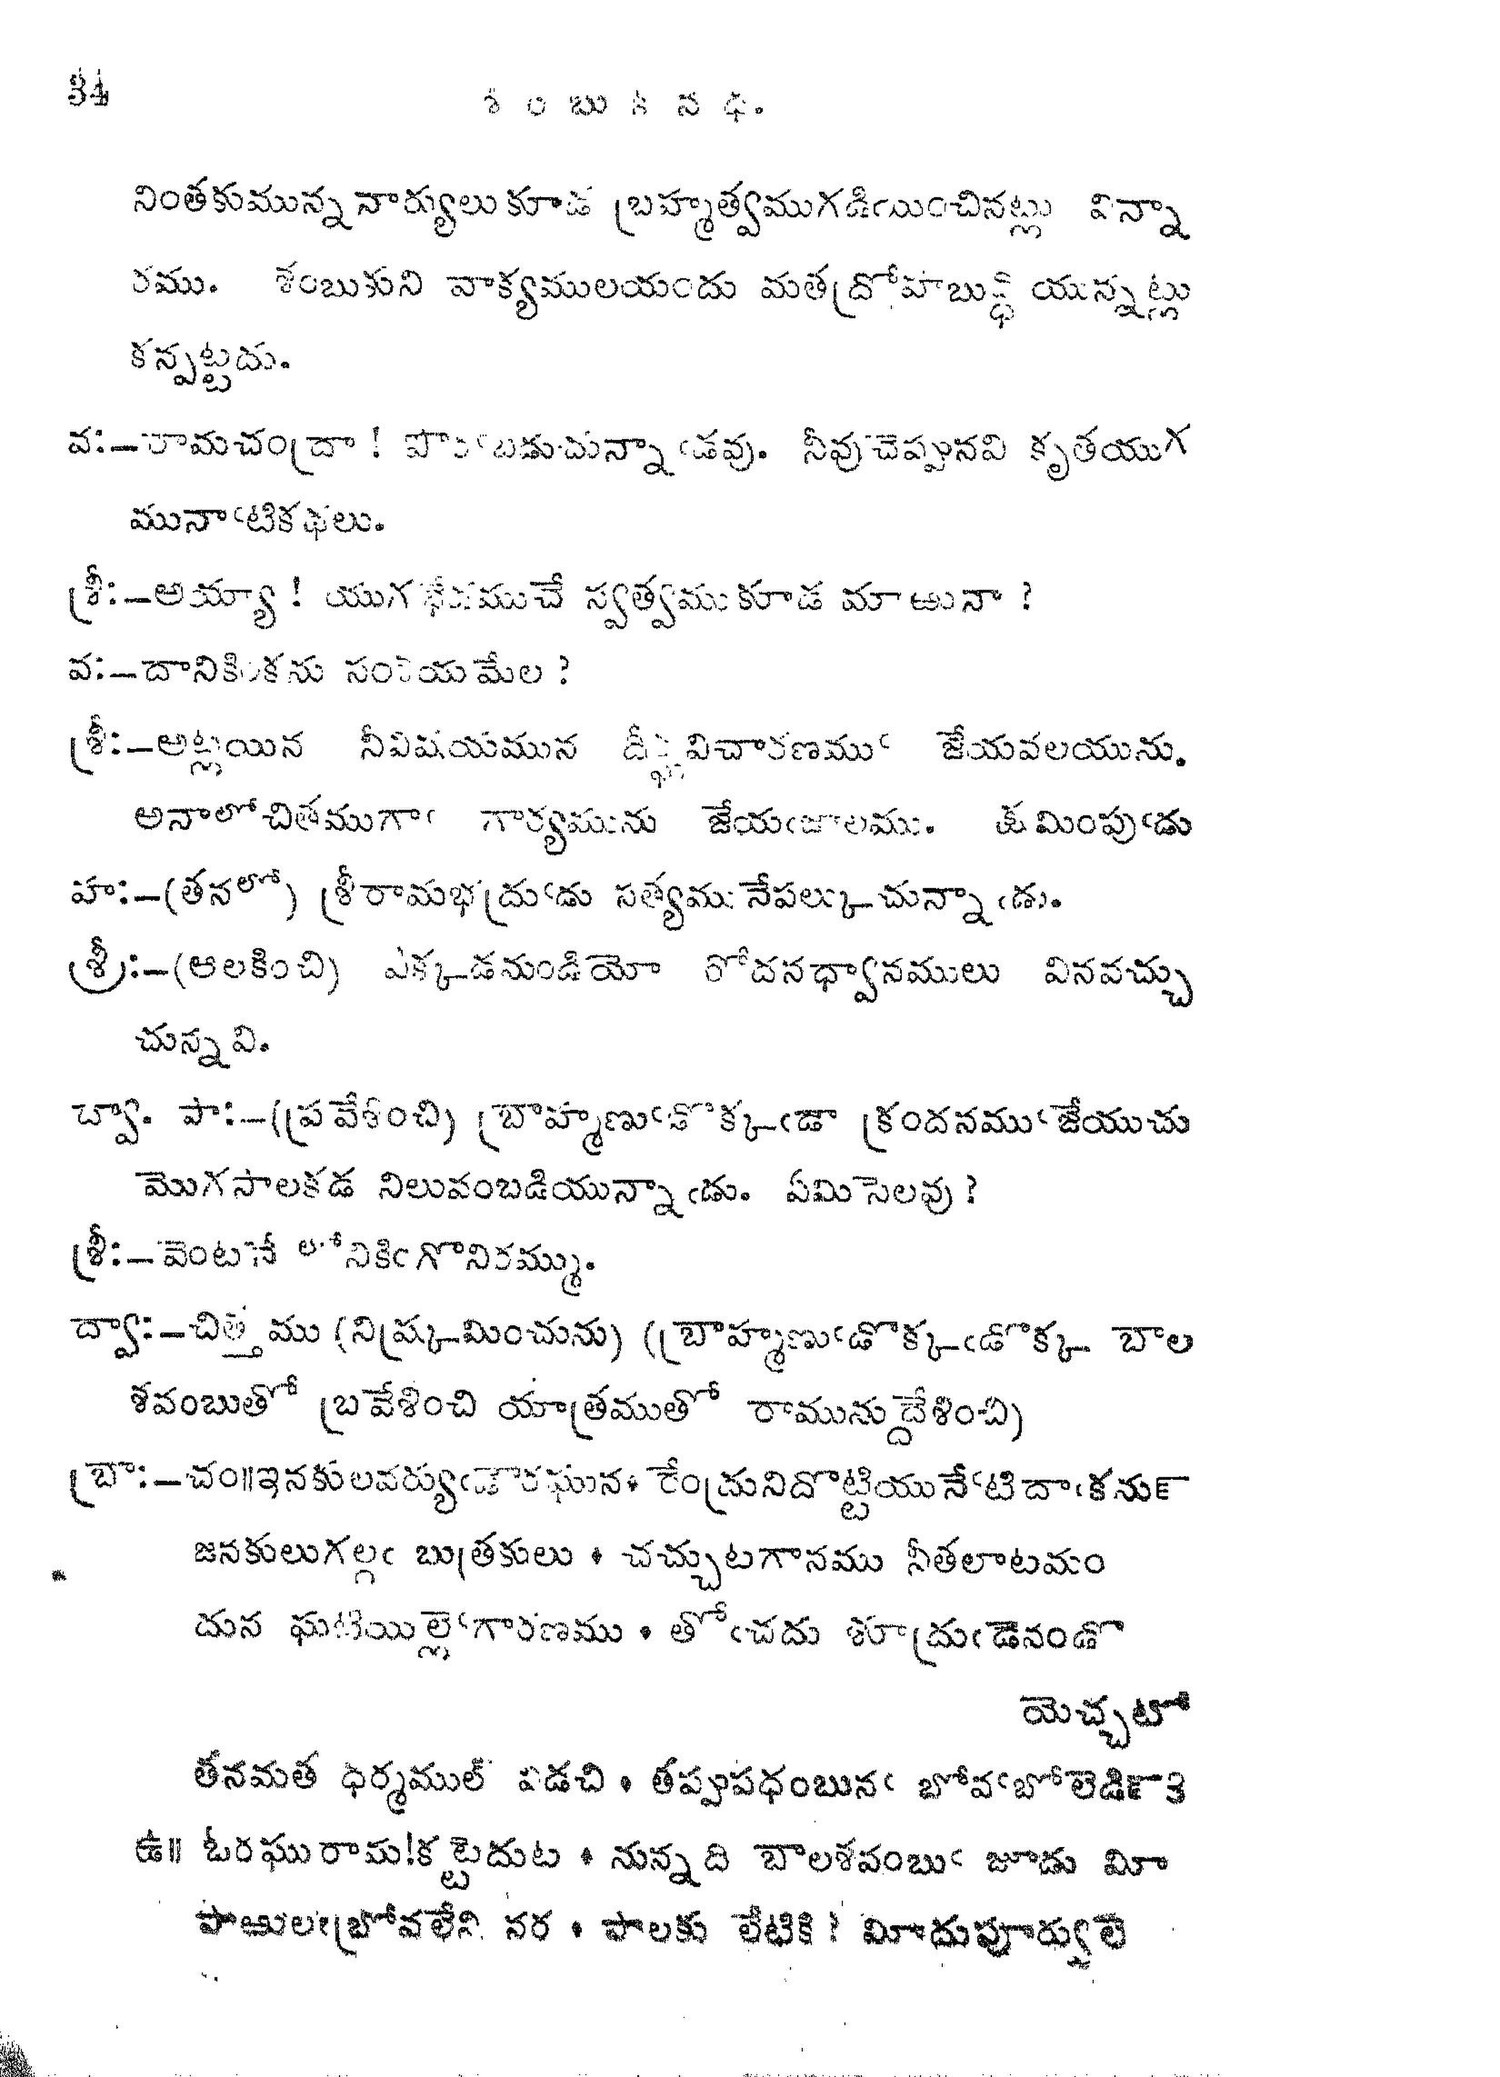నింతకు మున్న నార్యులు కూడి బ్రహ్మత్వము గడియించి నట్లు విన్నా
 రము. శంబుకుని వాక్యముల యందు మతద్రోహబుద్ధి యున్నట్లు
 కన్పట్టదు.

వ:- రామచంద్రా ! పొర బడు చున్నాడవు. నీవు చెప్పునది కృతయుగ
 మునాటి కథలు.

శ్రీ:- అయ్యా ! యుగభేదముచే స్వత్వము కూడ మాఱునా ?

వ:- దానికింకను సందియ మేల ?

శ్రీ:- అట్లయిన నీవిషయమున దీర్ఘ విచారణము " జేయ వలయును.
 అనాలోచితముగా గార్యములను జేయఁజూలము. క్షమింపుఁడు

హ:- (తనలో) శ్రీ రామభద్రుఁడు సత్యము: నేపల్కు చున్నాడు.

శ్రీ:- (ఆలకించి,) ఎక్కడ నుండి యో రోదన ధ్వానములు వినవచ్చు
 చున్నవి.

ద్వా.పా:- (ప్రవేశించి) బ్రాహ్మణు-కొక్కఁ డాక్రందనము జేయుచు
 మొగసాలకడ నిలువంబడియున్నాఁడు. ఏమి సెలవు ?

శ్రీ:- వెంటనే లోనికిఁ గొనిరమ్ము,

ద్వా: చిత్తము (నిష్క్రమించును) (బ్రాహ్మణుడొక్కడొక్క బాల
 శవంబుతో బ్రవేశించి యాత్రముతో రామునుద్దేశించి)

బ్రా: చం||ఇనకులవర్యు డొరఘున, కేంద్రునిదొట్టియు నేటి దాకనున్
 జనకులుగల్గ బుత్రకులు • చచ్చుటగానము నీతలాటమం
 దున ఘటియిల్లె గారణము • తోఁచదు శూద్రుఁడెవండో యెచ్చటో
 తనమత ధర్మముల్ విడచి , తప్పుపధంబునఁ బోవఁబోలెడిన్

 ఉ|| ఓరఘు రామ!కట్టెదుట • నున్నది బాలశవంబుఁ జూడు మీ
 పాఱుల బ్రోవలేని, నర • పాలకు 'లేటికి ! మీదుపూర్వులె